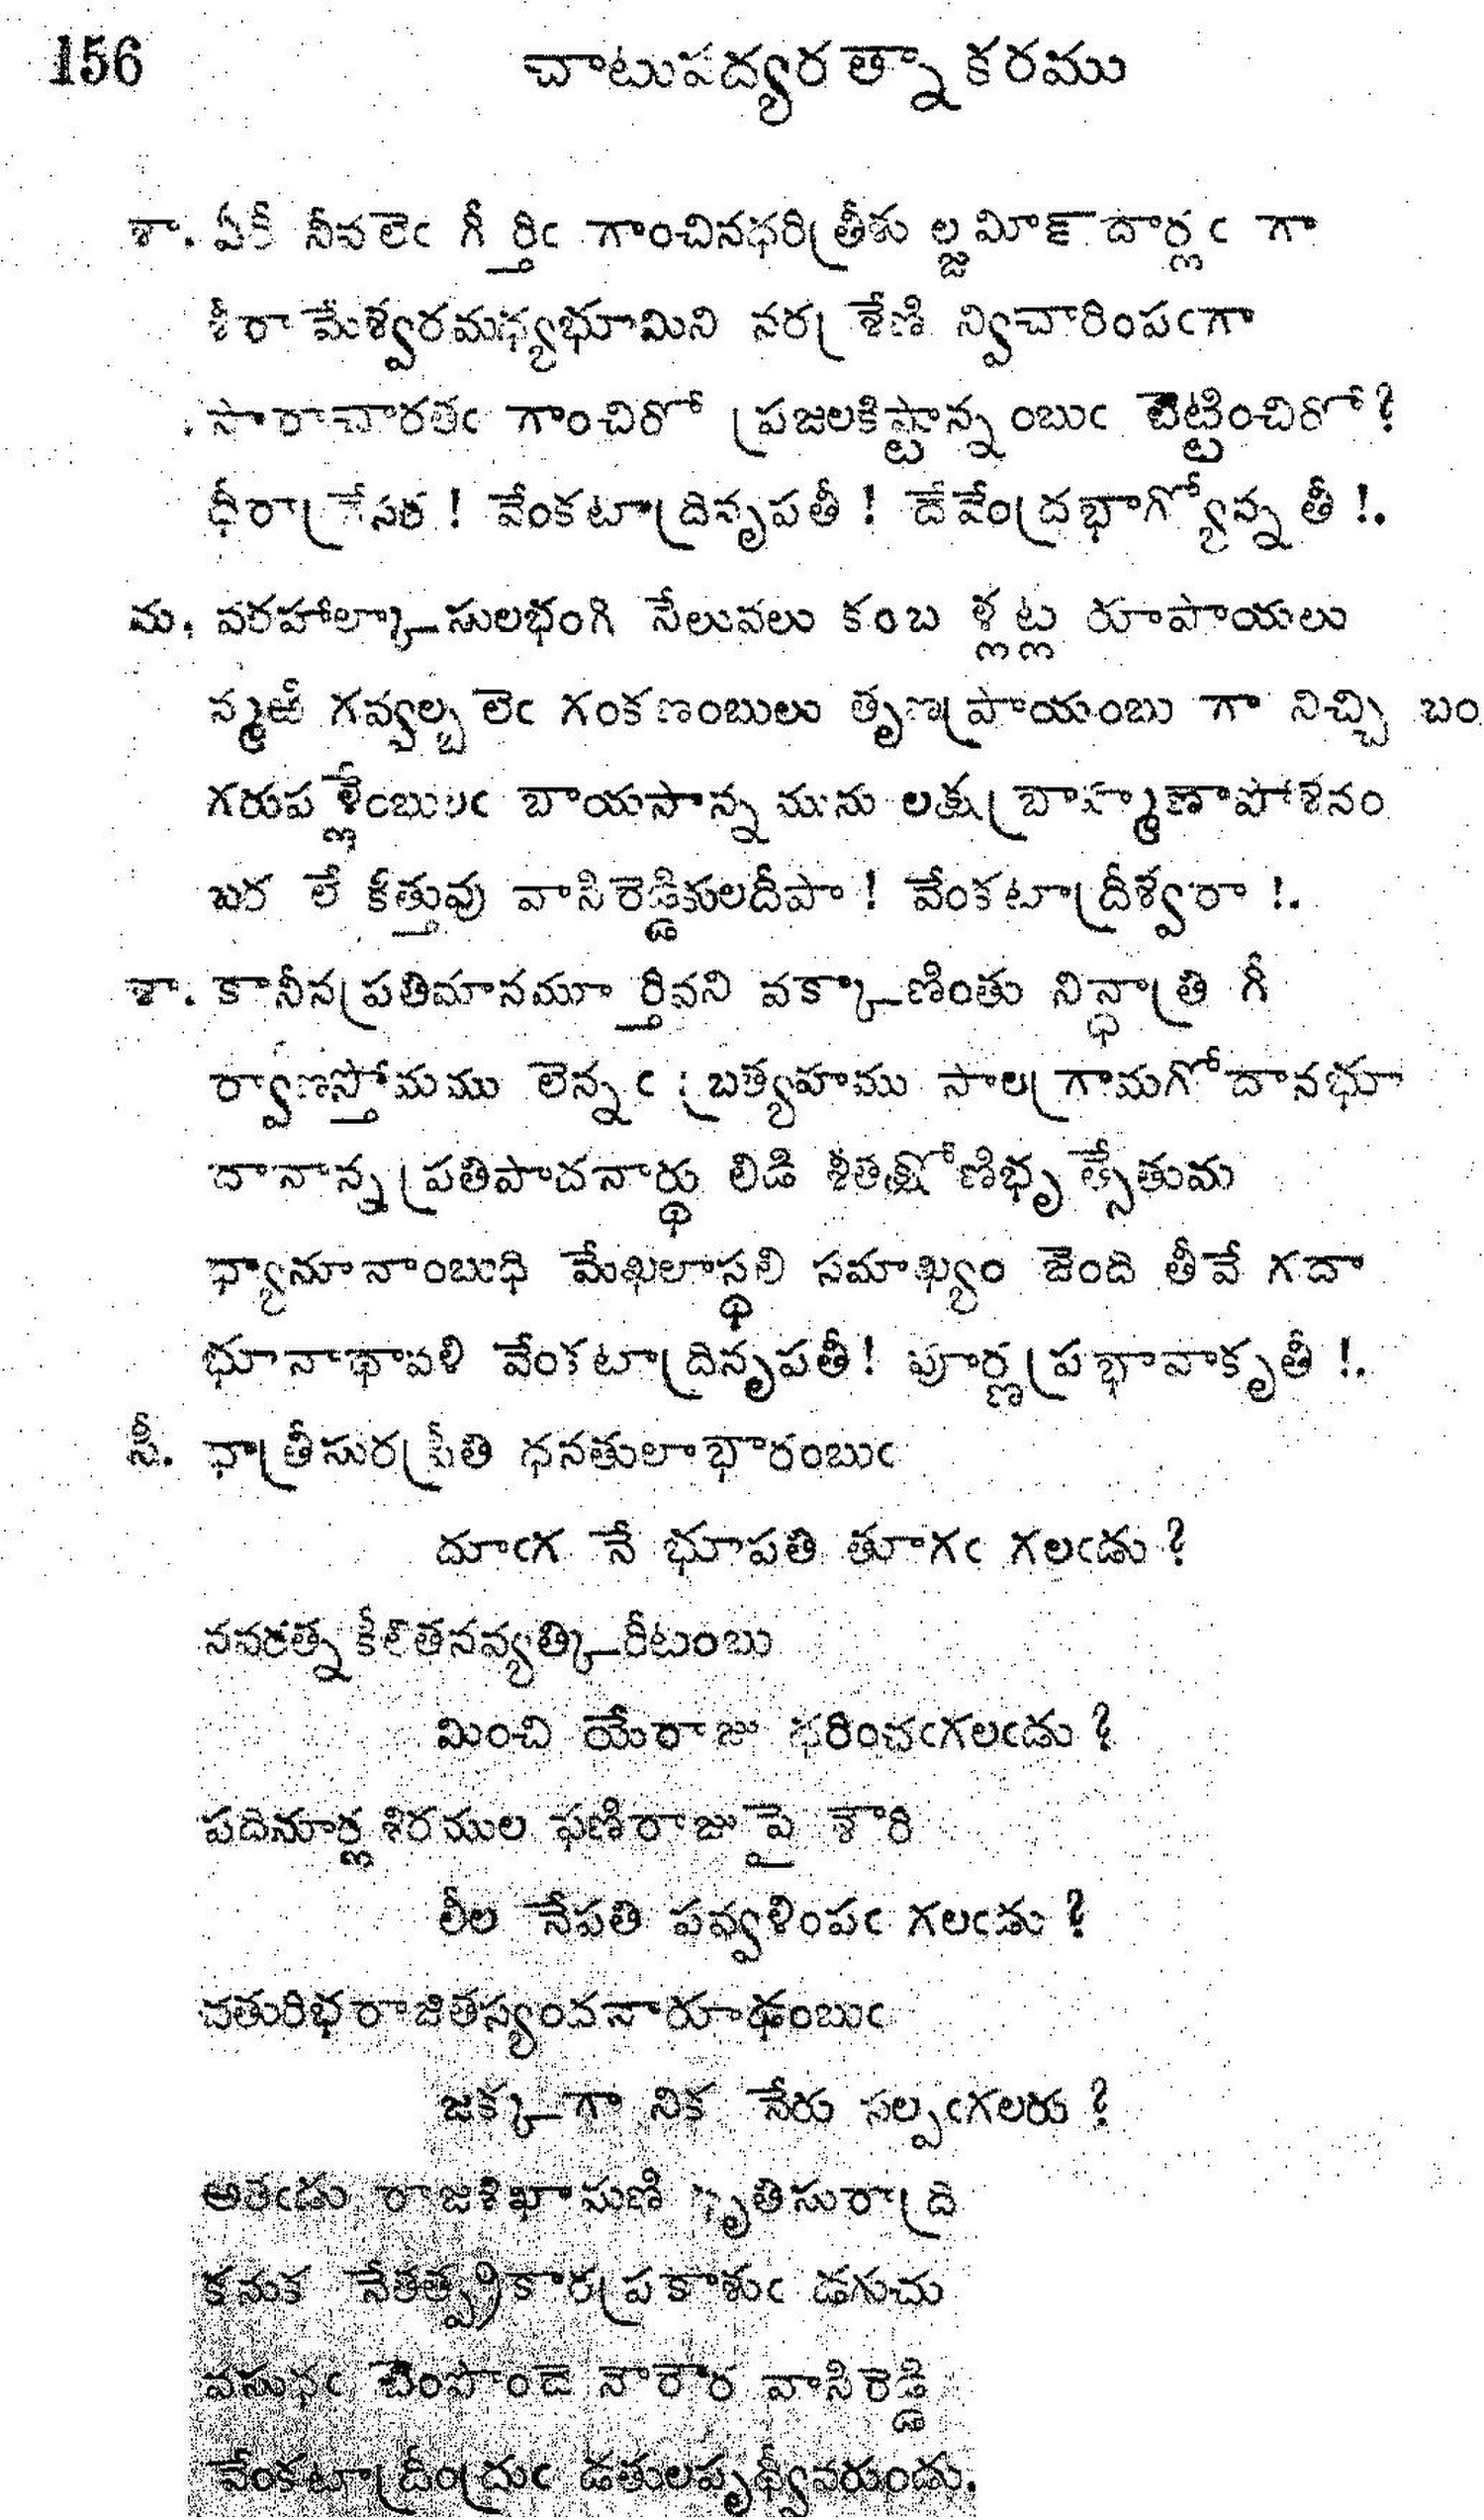శా. ఏరీ నీవలెఁ గీర్తిఁ గాంచిన ధరిత్రీశు ల్జమీన్దార్లఁ గా
 శీరామేశ్వరమధ్యభూమిని నరశ్రేణి న్విచారింపఁగా
 సారాచారతఁ గాంచిరో ప్రజలకిష్టాన్నంబుఁ బెట్టించిరో?
 ధీరాగ్రేసర! వేంకటాద్రినృపతీ! దేవేంద్రభాగ్యోన్నతీ!

మ. వరహా ల్కాసులభంగి సేలువలు కంబ ళ్ళట్ల రూపాయలు
 న్మఱి గవ్వల్బలెఁ గంకణంబులు తృణప్రాయంబుగా నిచ్చి బం
 గరుపళ్ళెంబులఁ బాయసాన్నములుఁ లక్షబ్రాహ్మణాపోశనం
 బర లే కిత్తువు వాసిరెడ్డి కులదీపా! వేంకటాద్రీశ్వరా!

శా. కానీనప్రతిమానమూర్తివని వక్కాణింతు నిన్ధాత్రి గీ
 ర్వాణస్తోమము లెన్నఁ బ్రత్యహము సాలగ్రామగోదానభూ
 దానాన్నప్రతిపాదనార్థు లిడి శీతక్షోణిభృత్సేతుమ
 ధ్యానూనాంబుధి మేఖలాస్థలి సమాఖ్యం జెంది తీవే గదా
 భూనాథావళి వేంకటాద్రినృపతీ! పూర్ణప్రభావాకృతీ!

సీ. ధాత్రీసురప్రీతి ధనతులాభారంబుఁ
 దూఁగ నే భూపతి తూగఁగలఁడు?
 నవరత్నకీలితనవ్యత్కిరీటంబు
 మించి యేరాజు ధరించఁగలఁడు?
 పదినూర్లశిరముల ఫణిరాజుపై శౌరి
 లీల నేపతి పవ్వళింపఁగలఁడు?
 చతురిభరాజితస్యందనారూఢంబుఁ
 జక్కగా నిక నేరు సల్పఁగలరు?
 అతఁడు రాజశిఖామణి ధృతిసురాద్రి
 కనుక నేతత్ప్రకారప్రకాశుఁ డగుచు
 వసుధఁ బెంపొందె నౌరౌర వాసిరెడ్డి
 వేంకటాద్రీంద్రుఁ డతులపృథ్వీవరుండు.